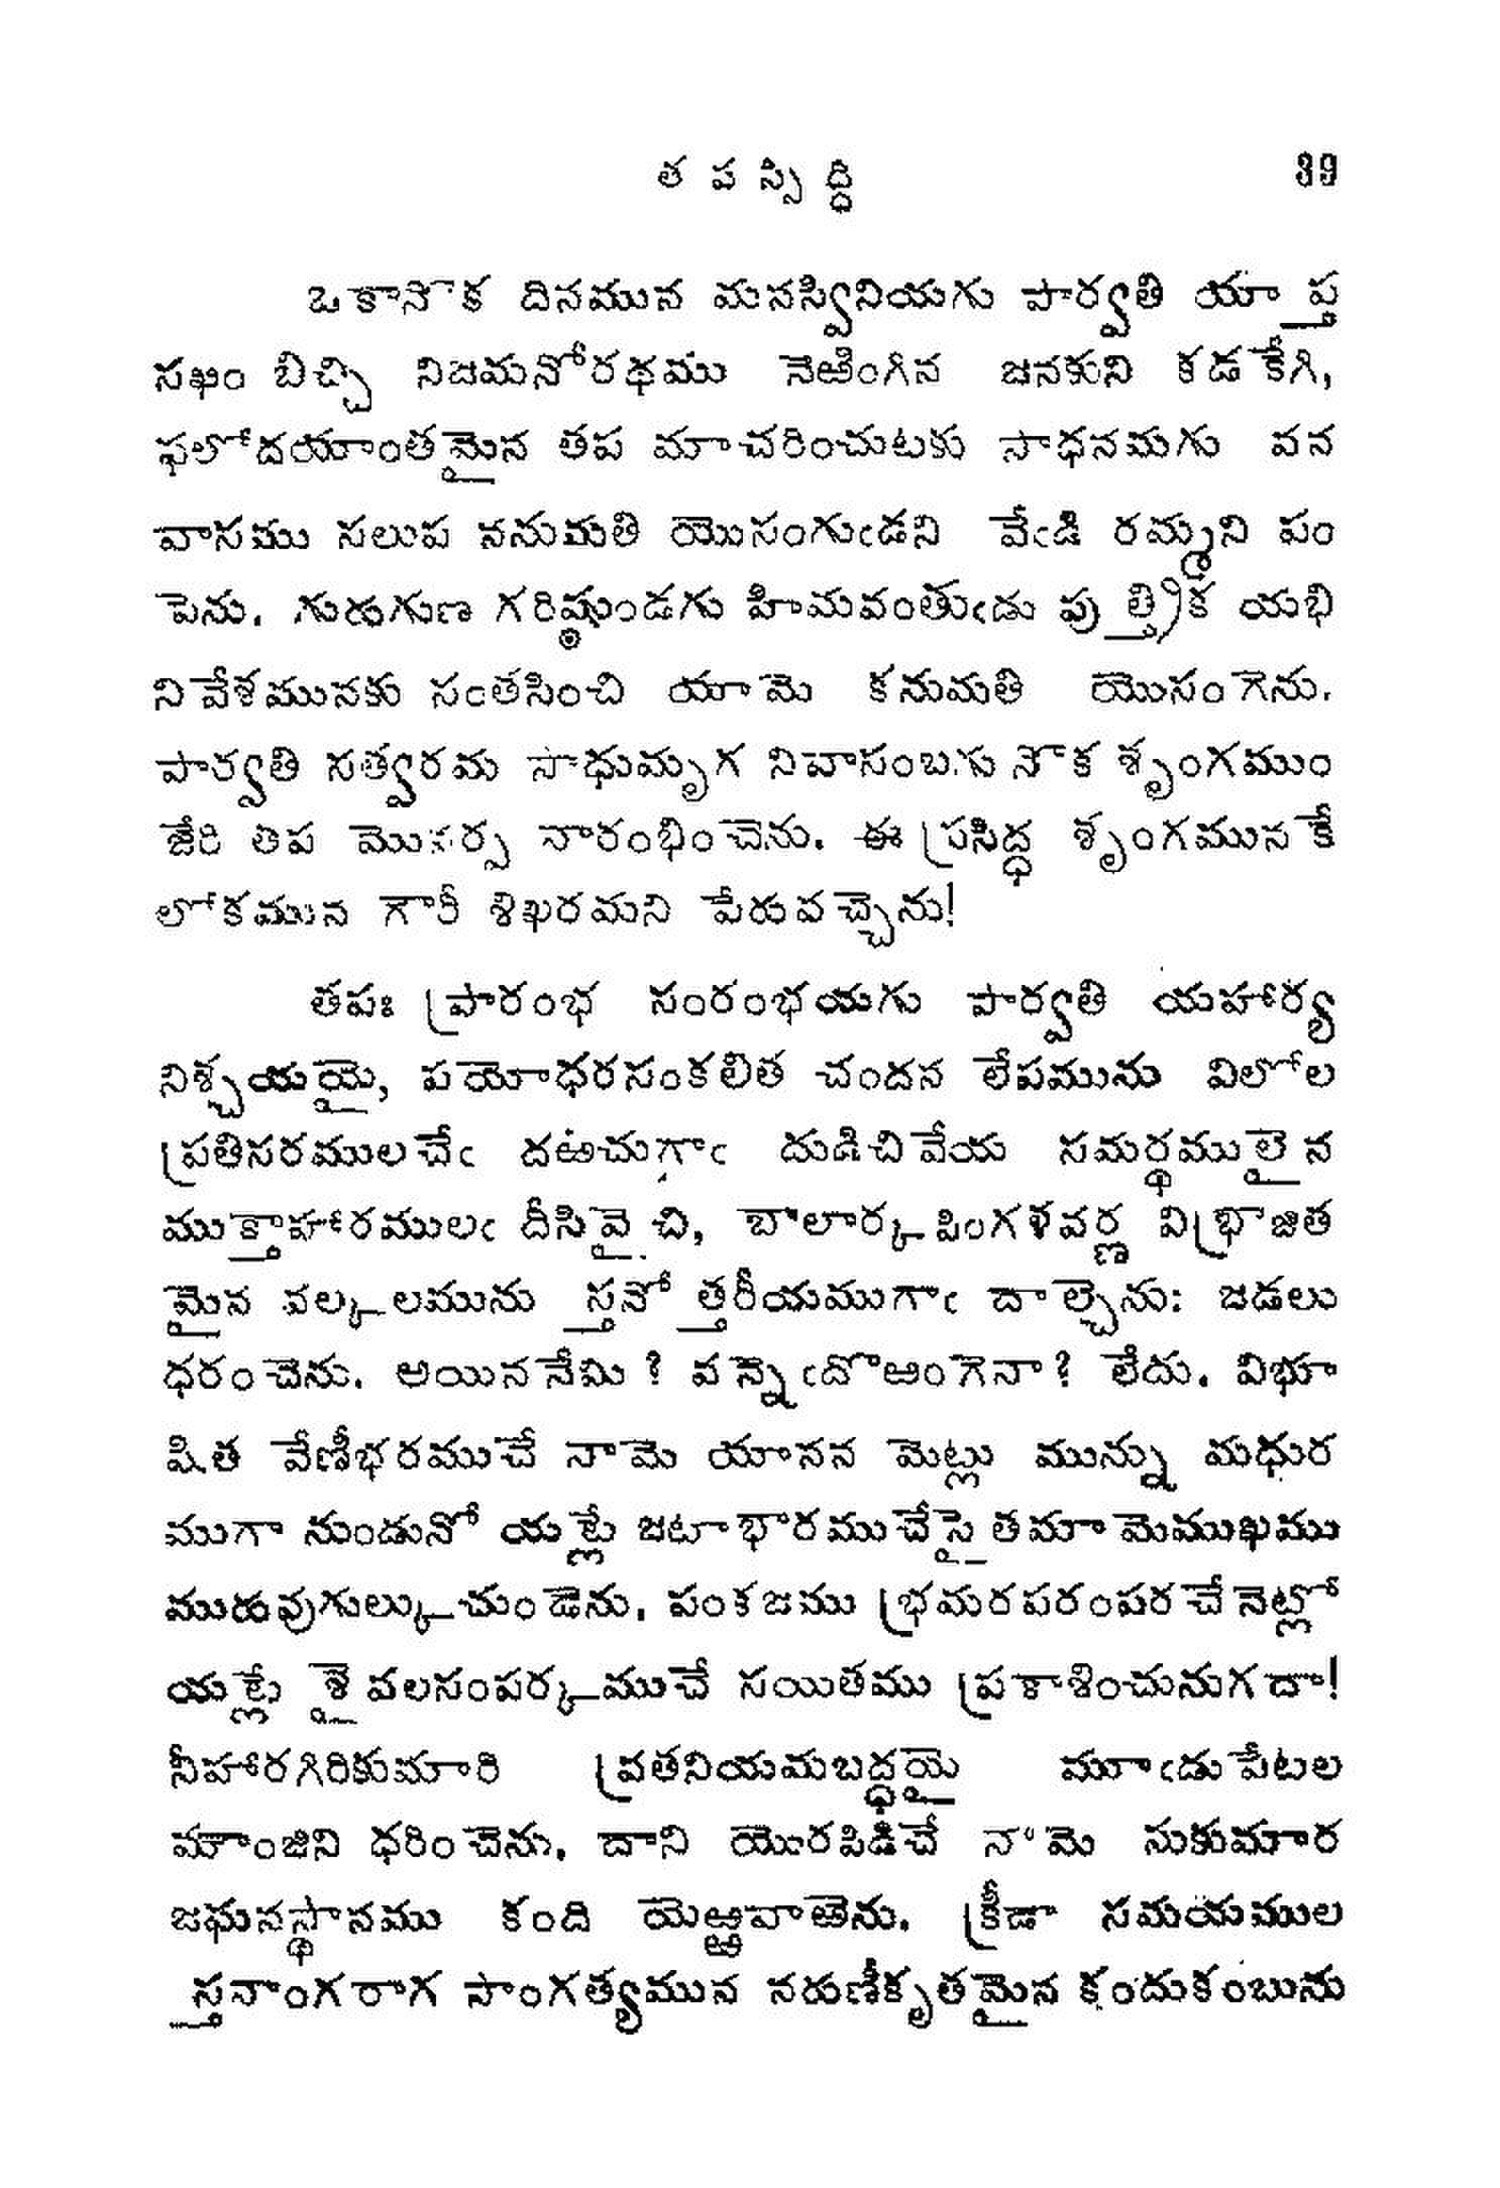ఒకానొక దినమున మసస్వీనియగు పార్వతి యాప్త సఖిం బిచ్చి నిజమనోరథము నెఱింగిన జనకుని కడకేగి, ఫలో దయాంతమైన తప మాచరించుటకు సాధనమగు వనవాసము సలుప ననుమతి యొసంగుఁడని వేఁడి రమ్మని పంపెను. గురుగుణ గరిష్ఠుండగు హిమవంతుఁడు పుత్త్రిక యభి నివేశమునకు సంతసించి యామె కనుమతి యొసంగెను. పార్వతి సత్వరమ సాధుమృగ నివాసంబగు నొక శృంగముంజేరి తప మొనర్ప నారంభించెను. ఈ ప్రసిద్ధ శృంగమునకే లోకమున గౌరీ శిఖరమని పేరు వచ్చెను!

తపః ప్రారంభ సంరంభయగు పార్వతి యహార్య నిశ్చయయై, పయోధరసంకలిత చందన లేపమును విలోల ప్రతిసరముల చేఁ దఱచుగాఁ దుడిచివేయ సమర్థములైన ముక్తాహారములఁ దీసివైచి, చాలార్క పింగళవర్ణ విభ్రాజితమైన వల్కలమును స్తనో త్తరీయముగాఁ దాల్చెను: జడలు ధరం చెను. అయిననేమి ? వన్నెఁ దొఱంగెనా? లేదు. విభూషిత వేణీభరముచే నామె యానన మెట్లు మున్ను మధురముగా నుండునో యట్లే జటాభారము చేసై తమా మెముఖము మురువు గుల్కుచుండెను, పంకజము భ్రమర పరంపర చేనెట్లో యట్లే శైవలసంపర్కముచే సయితము ప్రకాశించునుగదా! నీహార గిరికుమారి వ్రతనియమబద్ధయై మూఁడు పేటల మౌంజిని ధరించెను, దాని యొరపిడిచే నామె సుకుమార జఘనస్థానము కంది యెఱ్ఱవాఱెను. క్రీడా సమయముల స్తనాంగరాగ సాంగత్యమున నరుణీకృతమైన కందుకంబును